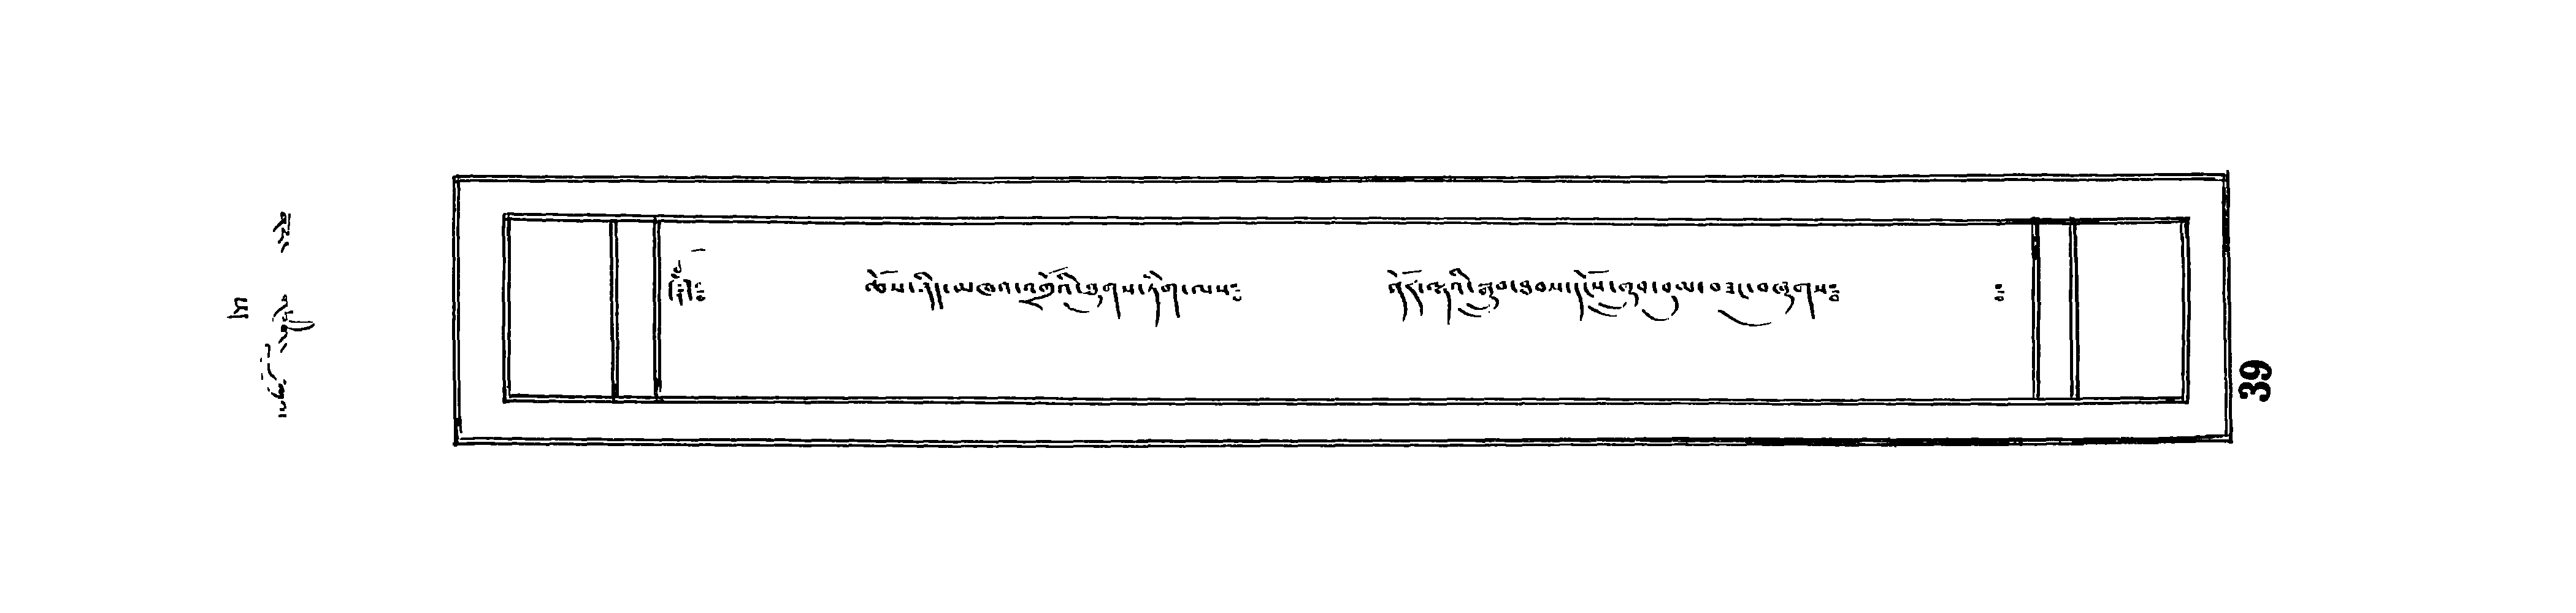ཆོས་ཉིད་མཁའ་འགྲོའི་ཐུགས་ཏིག་ལས༔ ནོར་ལྷའི་སྒྲུབ་ཐབས་དངོས་གྲུབ་བུམ་བཟང་བཞུགས༔